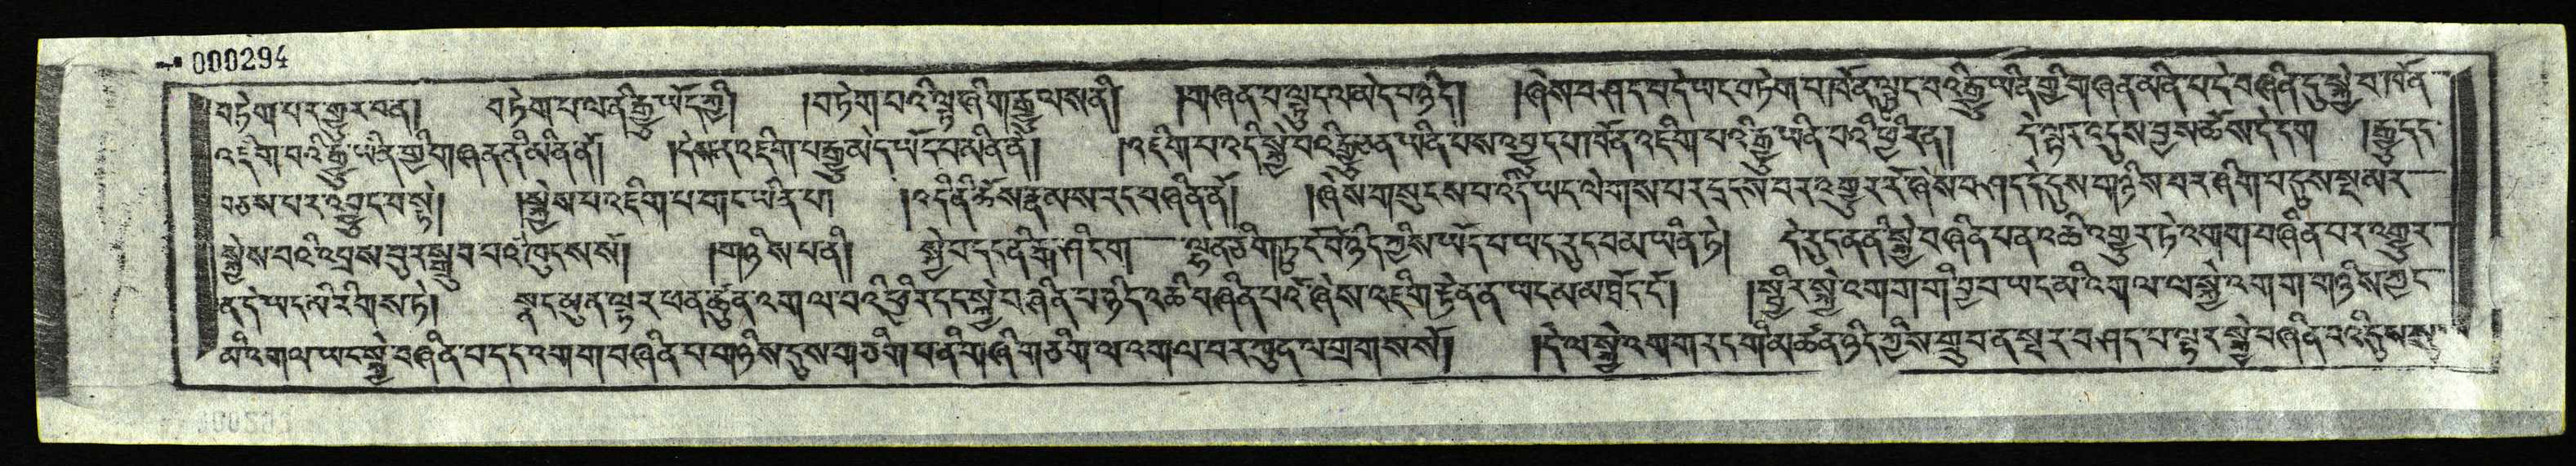བཏེག་པར་གྱུར་བ་ན། བཏེག་པ་ལ་ནི་རྒྱུ་ཡོད་ཀྱི། །བཏེག་པའི་ལྟ་ཞིག་རྒྱུ་ལས་ནི། །གཞན་པ་ལྟུང་ལ་མེད་བ་ཉིད། །ཞེས་བཤད་པ་དེ་ཡང་བཏེག་པ་ཁོ་ན་ལྟུང་བའི་རྒྱུ་ཡིན་གྱི་གཞན་མིན་པ་དེ་བཞིན་དུ་སྐྱེ་བ་ཁོ་ན་
འཇིག་བའི་རྒྱུ་ཡིན་གྱི་གཞན་ནི་མིན་ནོ། །དེས་ན་འཇིག་པ་རྒྱུ་མེད་ཡོད་པ་མིན་ནོ། །འཇིག་པ་འདི་སྐྱེ་བའི་རྒྱུ་ཅན་ཡིན་པས་འབྱུང་བ་ཁོ་ན་འཇིག་པའི་རྒྱུ་ཡིན་པའི་ཕྱིར་ན། དེ་ལྟར་འདུས་བྱས་ཆོས་དེ་དག །རྒྱུ་དང་
བཅས་པར་འབྱུང་བ་སྟེ། །སྐྱེས་པ་འཇིག་པ་གང་ཡིན་པ། །འདི་ནི་ཆོས་རྣམས་རང་བཞིན་ནོ། །ཞེས་གསུངས་པ་འདི་ཡང་ལེགས་པར་དྲངས་བར་འགྱུར་རོ་ཞེས་བཤད་དེ་དུས་གཉིས་བར་ཞིག་པ་དུས་སྔ་མར་
སྐྱེས་བའི་འབྲས་བུར་སྒྲུབ་པའི་ཁུངས་སོ། །གཉིས་པ་ནི། སྐྱེ་བ་དང་ནི་རྒ་ཤིང་ག་ལྷན་ཅིག་ཏུ་ངོ་བོ་ཉིད་ཀྱིས་ཡོད་པ་ཡང་རུང་བ་མ་ཡིན་ཏེ། དེ་དུང་ན་ནི་སྐྱེ་བཞིན་པ་ན་འཆི་འགྱུར་ཏེ་འགག་བཞིན་པར་འགྱུར་
ན་དེ་ཡང་མི་རིགས་ཏེ། སྣང་མུན་ལྟར་ཕན་ཚུན་འགལ་བའི་ཕྱིར་དང་སྐྱེ་བཞིན་པ་ཉིད་འཆི་བཞིན་པའི་ཞེས་འཇིག་རྟེན་ན་ཡང་མ་མཐོང་ངོ། །སྦྱིར་སྐྱེ་འགག་གི་བྱ་བ་ཡང་མི་འགལ་ལ་སྐྱེ་འགག་གཉིས་ཀྱང་
མི་འགལ་ཡང་སྐྱེ་བཞིན་པ་དང་འགག་བཞིན་པ་གཉིས་དུས་གཅིག་པ་ནི་གཞི་གཅིག་ལ་འགལ་བར་ཀུན་ལ་གྲགས་སོ། །དེ་ལ་སྐྱེ་འགག་རང་གི་མཚན་ཉིད་ཀྱིས་གྲུབ་ན་སྔར་བཤད་པ་ལྟར་སྐྱེ་བཞིན་བའི་དུས་སུ་